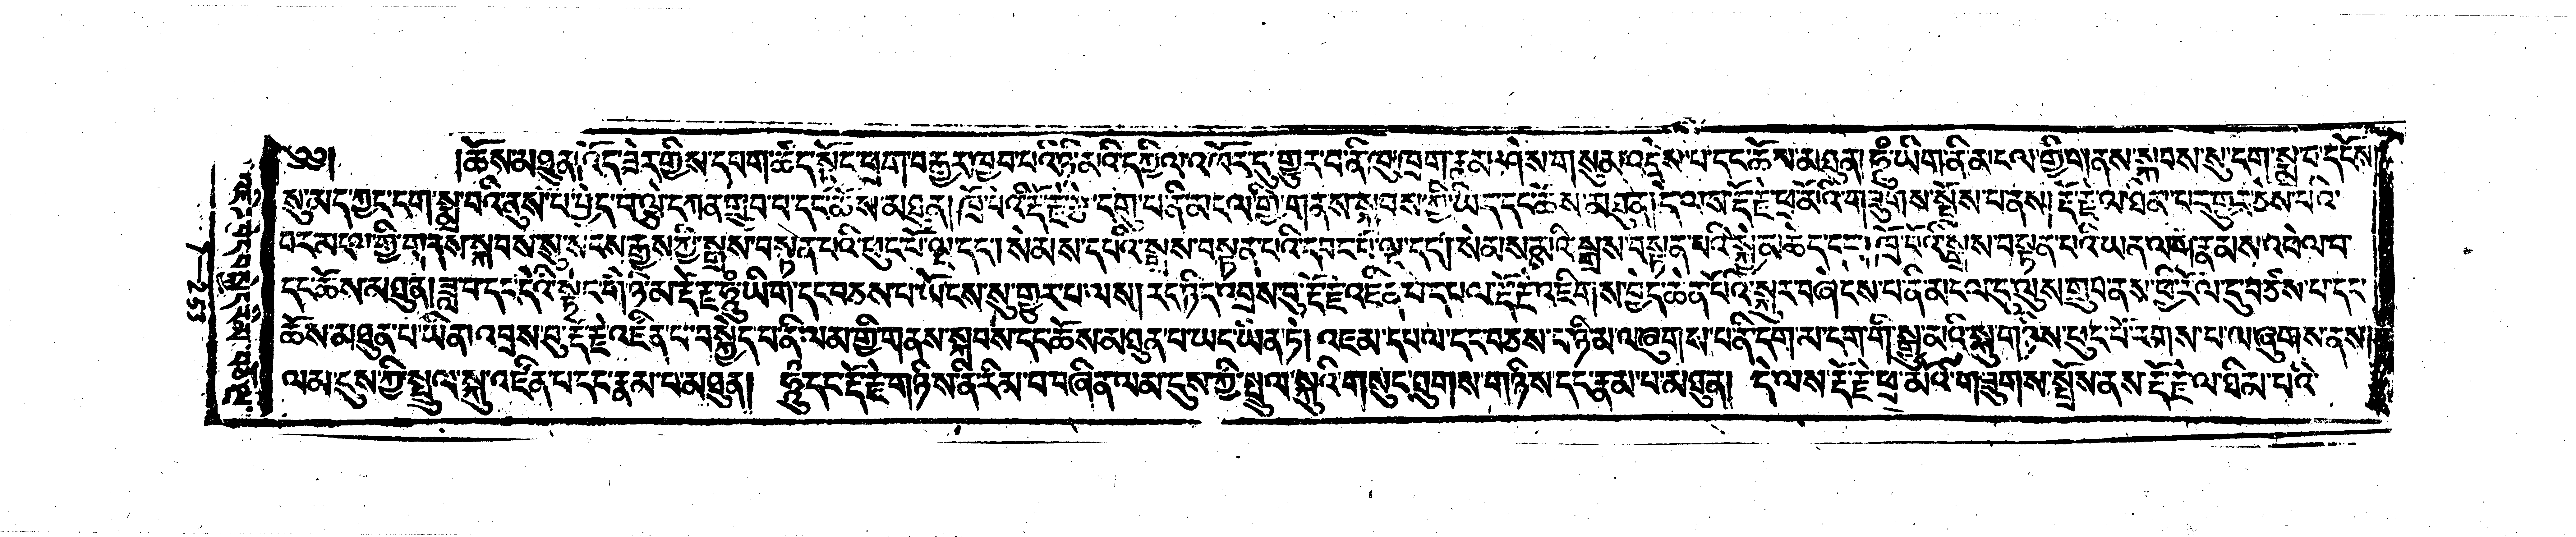༄༅། །ཆོས་མཐུན་འོད་ཟེར་གྱིས་དཔག་མེད་སྟོང་ཕྲག་བརྒྱར་ཁྱབ་པའི་ཉི་མའི་དཀྱིལ་འཁོར་དུ་གྱུར་བ་ནི་ཁུ་ཁྲག་རྣམ་ཤེས་གསུམ་འདྲེས་པ་དང་ཆོས་མཐུན། ཧཱུཾ་ཡིག་ནི་མངལ་གྱི་གནས་སྐབས་སུ་ངག་སྨྲ་བ་དངོས་
སུ་མེད་ཀྱང་ངག་སྨྲ་བའི་ནུས་པ་བྱེད་པ་ལྕེ་དཀན་གྲུབ་པ་དང་ཆོས་མཐུན། ཁྲོ་བོའི་རྡོ་རྗེ་རྩེ་དགུ་པ་ནི་མངལ་གྱི་གནས་སྐབས་ཀྱི་ཡིད་དང་ཆོས་མཐུན། དེ་ལས་རྡོ་རྗེ་ཕྲ་མོའི་གཟུགས་སྤྲོས་པ་ནས། རྡོ་རྗེ་ལ་ཐིམ་པར་གྱུར་ཅེས་པའི་
བར་མངལ་གྱི་གནས་སྐབས་སུ་སངས་རྒྱས་ཀྱི་སྒྲས་བསྟན་པའི་ཕུང་པོ་ལྔ་དང་། སེམས་དཔའི་སྒྲས་བསྟན་པའི་དབང་པོ་ལྔ་དང་། སེམས་མའི་སྒྲས་བསྟན་པའི་སྐྱེ་མཆེད་དང་། ཁྲོ་བོའི་སྒྲས་བསྟན་པའི་ཡན་ལག་རྣམས་འཕེལ་བ་
དང་ཆོས་མཐུན། ཟླ་བ་དང་དེའི་སྟེང་གི་ཉི་མ་རྡོ་རྗེ་ཧཱུཾ་ཡིག་དང་བཅས་པ་ཡོངས་སུ་གྱུར་བ་ལས། རང་ཉིད་འབྲས་བུ་རྡོ་རྗེ་འཛིན་པ་དཔལ་རྡོ་རྗེ་འཇིགས་བྱེད་ཆེན་པོའི་སྐུར་བཞེངས་པ་ནི་མངལ་དུ་ལུས་གྲུབ་ནས་ཕྱི་རོལ་དུ་བཙས་པ་དང་
ཆོས་མཐུན་པ་ཡིན། འབྲས་བུ་རྡོ་རྗེ་འཛིན་པ་བསྐྱེད་པ་ནི་ལམ་གྱི་གནས་སྐབས་དང་ཆོས་མཐུན་པ་ཡང་ཡིན་ཏེ། འཇམ་དཔལ་དང་བཅས་པ་ཉི་མ་ལ་ཞུགས་པ་ནི་དག་མ་དག་གི་སྒྱུ་མའི་སྐུ་གཉིས་ཕུང་པོ་རགས་པ་ལ་ཞུགས་ནས།
ལམ་དུས་ཀྱི་སྤྲུལ་སྐུ་འཛིན་པ་དང་རྣམ་པ་མཐུན། ཧཱུཾ་དང་རྡོ་རྗེ་གཉིས་ནི་རིམ་པ་བཞིན་ལམ་དུས་ཀྱི་སྤྲུལ་སྐུའི་གསུང་ཐུགས་གཉིས་དང་རྣམ་པ་མཐུན། དེ་ལས་རྡོ་རྗེ་ཕྲ་མོའི་གྠུགས་སྤྲོས་ནས་རྡོ་རྗེ་ལ་ཐིམ་པའི་